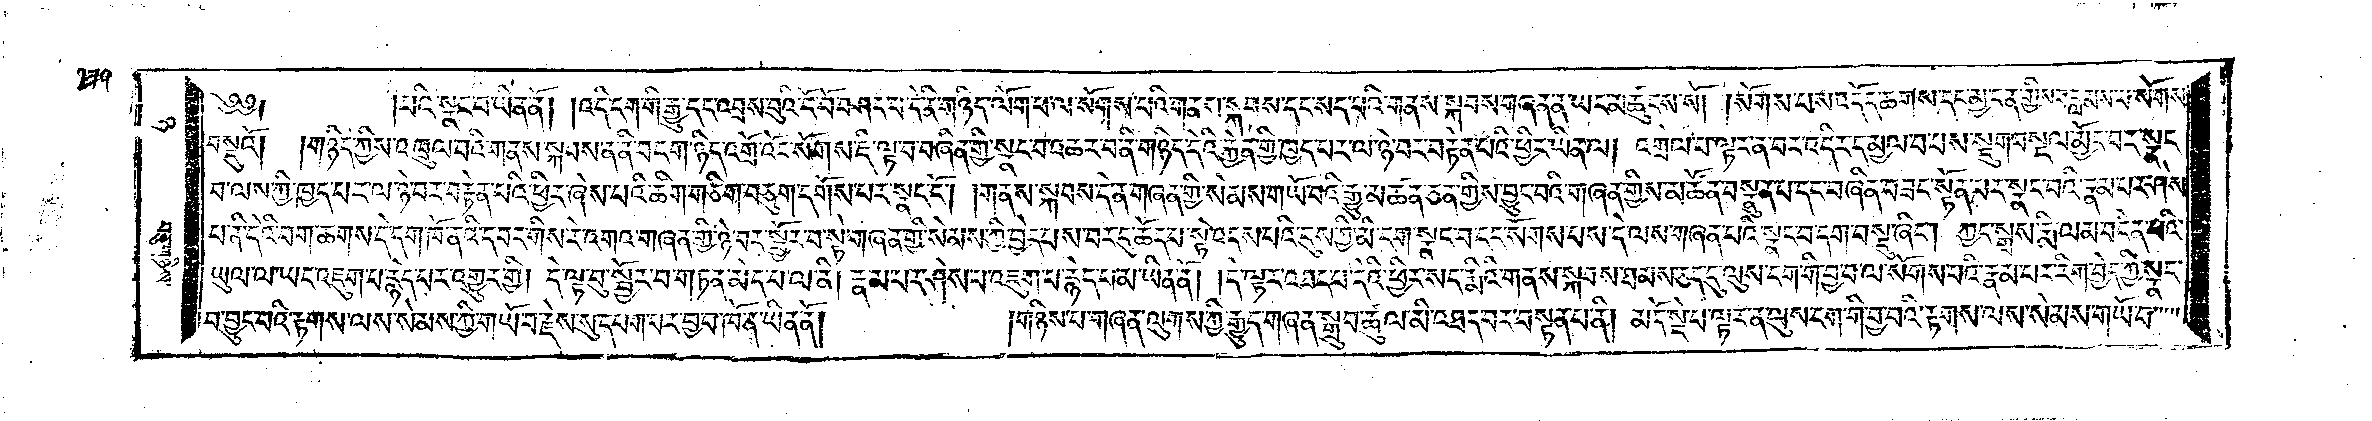༄༅། །པའི་སྣང་བ་ཡིན་ནོ། །འདི་དག་གི་རྒྱུ་དང་འབྲས་བུའི་ངོ་བོ་བཤད་པ་དེ་ནི་གཉིད་ལོག་པ་ལ་སོགས་པའི་གནས་སྐབས་དང་སད་པའི་གནས་སྐབས་གཞན་ན་ཡང་མཚུངས་སོ། །སོགས་པས་འདོད་ཆགས་དང་མྱ་ངན་གྱིས་བརླམས་པ་སོགས་
བསྡུའོ། །གཉིད་ཀྱིས་འཁྲུལ་བའི་གནས་སྐབས་ན་ནི་བདག་ཉིད་འགྲོ་འོང་སོགས་ཇི་ལྟ་བ་བཞིན་གྱི་སྣང་བ་འཆར་བ་ནི་གཉིད་དེའི་རྐྱེན་གྱི་ཁྱད་པར་ལ་ཉེ་བར་བརྟེན་པའི་ཕྱིར་ཡིན་ལ། འགྲེལ་པ་ལྟར་ན་བར་འདིར་དམྱལ་བ་པས་སྡུག་བསྔལ་མྱོང་བར་སྣང་
བ་ལས་ཀྱི་ཁྱད་པར་ལ་ཉེ་བར་བརྟེན་པའི་ཕྱིར་ཞེས་པའི་ཚིག་གཅིག་བཅུག་དགོས་པར་སྣང་ངོ། །གནས་སྐབས་དེ་ན་གཞན་གྱི་སེམས་གཡོ་བའི་རྒྱུ་མཚན་ཅན་གྱིས་བྱུང་བའི་གཞན་གྱིས་མཚོན་བསྣུན་པ་དང་བཞིན་བཟང་སྟོན་པར་སྣང་བའི་རྣམ་པར་ཤེས་
པ་ནི་དེའི་བག་ཆགས་དེ་དག་ཁོ་ནའི་དབང་གིས་རེ་འགའ་གཞན་གྱི་ཉེ་བར་སྦྱོར་བ་སྟེ་གཞན་གྱི་སེམས་ཀྱི་བྱེད་པས་བར་དུ་ཆོད་པ་སྟེ་འདས་པའི་དུས་ཀྱི་མི་དག་སྣང་བ་དང་སོགས་པས་དེ་ལས་གཞན་པའི་སྣང་བ་དག་བསྡུ་ཞིང་། ཀྱང་སྒྲས་རྨི་ལམ་བདེན་པའི་
ཡུལ་ལ་ཡང་འཇུག་པ་རྙེད་པར་འགྱུར་གྱི། དེ་ལྟ་བུ་སྦྱོར་བ་གཏན་མེད་པ་ལ་ནི། རྣམ་པར་ཤེས་པ་འཇུག་པ་རྙེད་པ་མ་ཡིན་ནོ། །དེ་ལྟར་འཐད་པ་དེའི་ཕྱིར་སང་རྨིའི་གནས་སྐབས་ཐམས་ཅད་དུ་ལུས་ངག་གི་བྱ་བ་ལ་སོགས་པའི་རྣམ་པར་རིག་བྱེད་ཀྱི་སྣང་
བ་བྱུང་བའི་རྟགས་ལས་སེམས་ཀྱི་གཡོ་བ་རྗེས་སུ་དཔག་པར་བྱ་བ་ཁོ་ན་ཡིན་ནོ། །གཉིས་པ་གཞན་ལུགས་ཀྱི་རྒྱུད་གཞན་སྒྲུབ་ཚུལ་མི་འཐད་བར་བསྟན་པ་ནི། མདོ་སྡེ་པ་ལྟར་ན་ལུས་ངག་གི་བྱ་བའི་རྟགས་ལས་སེམས་གཡོ་བ་